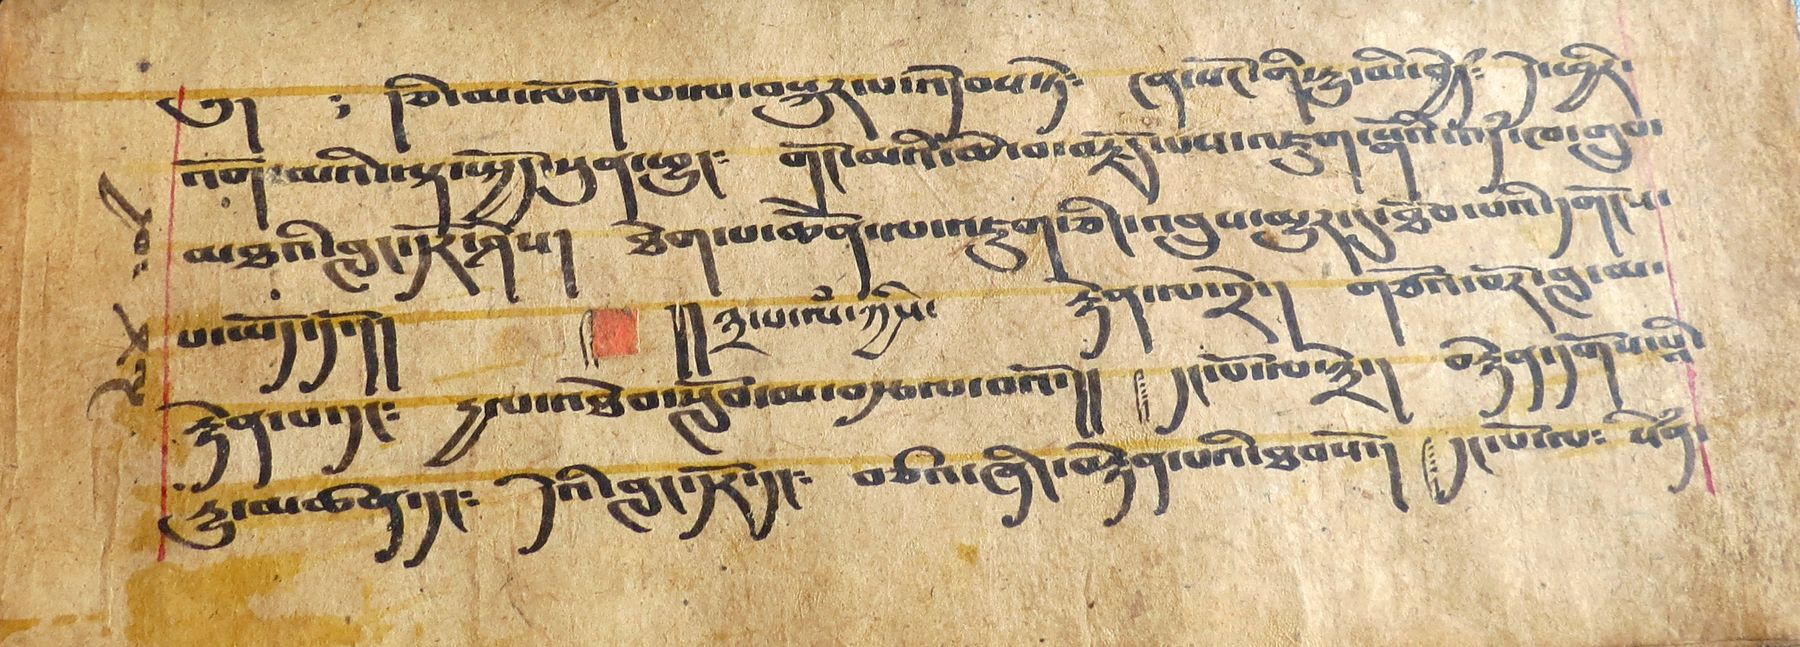ཅི་མ་ལོག་པ་ལ་བསྐུར་པ་འདེབས་སྟེ། ངན་སོང་གི་རྒྱུ་མི་བྱེད་དམ། དེ་ཕྱིར་
འོག་མའི་ལྟ་སྤྱོད་སུན་ཕྱུང་། གོང་མའི་ཆེ་བ་བརྗོད་པས། འཇུག་སྒོའི་གདམ་ཁ། གྲུབ་
མཐའི་བླང་དོར་ཤེས། ཐེག་པ་ཆེན་པོ་ལ་འཇུག་ཅིང་། འབྲས་བུ་མྱུར་དུ་ཐོབ་པའི་དགོས་
པ་ཡོད་དོ། ། གསུམ་པ་ལམ་གྱི་རྟེན་ལ་གཉིས་ཏེ། གཙོ་བོར་བླ་མ་
ལ་བསྟེན་པ་དང་། རྒྱལ་ཐེབས་སློབ་མ་བཙལ་བའོ། དང་པོ་ལ་གསུམ་སྟེ། བསྟེན་དགོས་པའི་
རྒྱུ་མཚན་དང་། དེའི་བླང་དོར་དང་། བཙལ་ཞིང་བསྟེན་པའི་ཐབས་སོ། ། ༧/དང་པོ་༼རྒྱུ་མཚན་༽ལ། སེམས་ཅན་